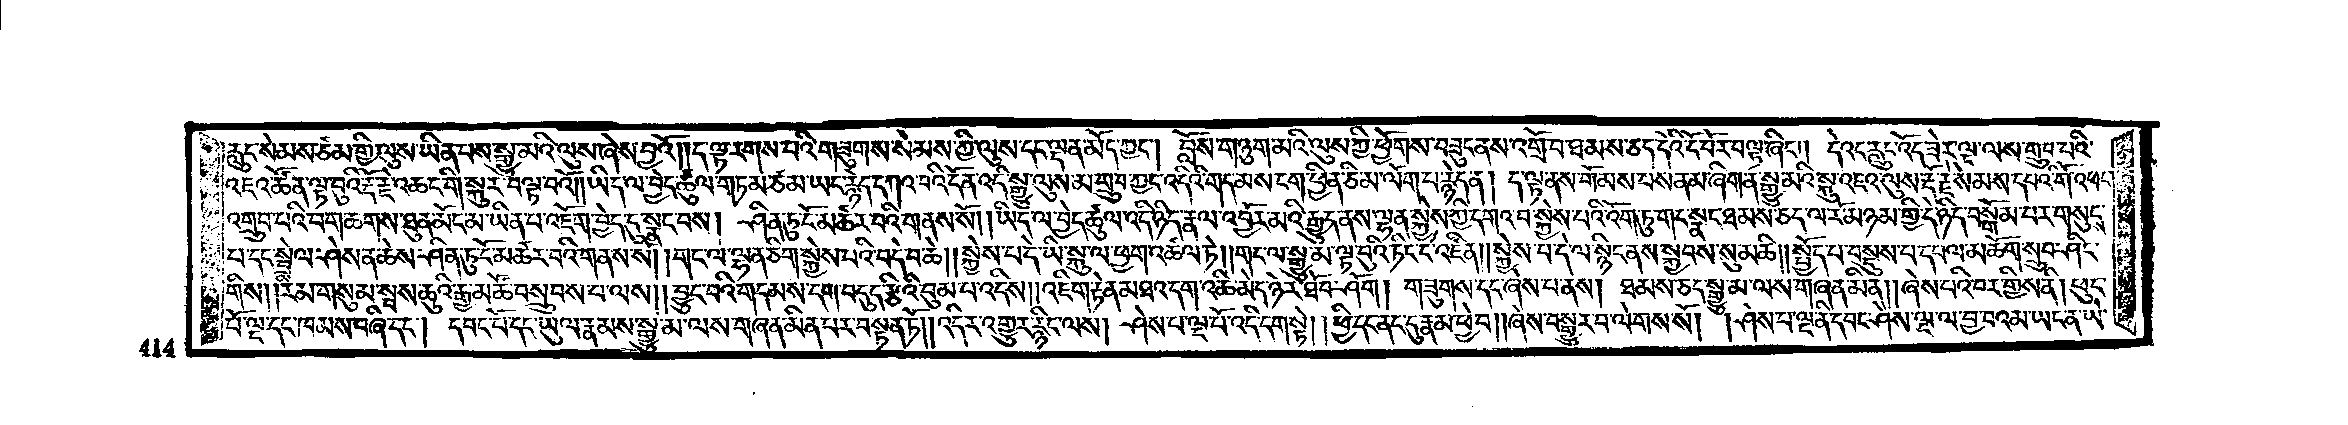རླུང་སེམས་ཙམ་གྱི་ལུས་ཡིན་པས་སྒྱུ་མའི་ལུས་ཞེས་བྱའོ། །ད་ལྟ་རགས་པའི་གཟུགས་སེམས་ཀྱི་ལུས་དང་ལྡན་མོད་ཀྱང་། བློས་གཉུག་མའི་ལུས་ཀྱི་ཕྱོགས་བཟུང་ནས་འགྲོ་བ་ཐམས་ཅད་དེའི་ངོ་བོར་བལྟ་ཞིང་། དེའང་རླུང་འོད་ཟེར་ལྔ་ལས་གྲུབ་པའི་
འཇའ་ཚོན་ལྟ་བུའི་རྡོ་རྗེ་འཆང་གི་སྐུར་བལྟ་བའོ། །ཡིད་ལ་བྱེད་ཚུལ་གཏམ་ཙམ་ཡང་རྙེད་དཀའ་བའི་དོན་འདི་སྒྱུ་ལུས་མ་གྲུབ་ཀྱང་འདིའི་གདམས་ངག་ཕྱིན་ཅི་མ་ལོག་པ་རྙེད་ན། ད་ལྟ་ནས་གོམས་པས་ནམ་ཞིག་ན་སྒྱུ་མའི་སྐུ་འཇའ་ལུས་རྡོ་རྗེ་སེམས་དཔའི་གོ་འཕང་
འགྲུབ་པའི་བག་ཆགས་ཐུན་མོང་མ་ཡིན་པ་འཇོག་བྱེད་དུ་སྣང་བས། ཤིན་ཏུ་ངོ་མཚར་བའི་གནས་སོ། །ཡིད་ལ་བྱེད་ཚུལ་འདི་ཉིད་རྣལ་འབྱོར་མའི་རྒྱུད་ནས་ལྷན་སྐྱེས་ཀྱི་དགའ་བ་སྐྱེས་པའི་འོག་ཏུ་གང་སྣང་ཐམས་ཅད་ལ་རོ་མཉམ་གྱི་དེ་ཉིད་བསྒོམ་པར་གསུངས་
པ་དང་སྤྲེལ་ཤེས་ན་ཆེས་ཤིན་ཏུ་ངོ་མཚར་བའི་གནས་སོ། །གང་ལ་ལྷན་ཅིག་སྐྱེས་པའི་བདེ་བ་ཆེ། །སྐྱེས་པ་དེ་ཡི་སྐུ་ལ་ཕྱག་འཚལ་ཏེ། །གང་ལ་སྒྱུ་མ་ལྟ་བུའི་ཏིང་ངེ་འཛིན། །སྐྱེས་པ་དེ་ལ་སྙིང་ནས་སྐྱབས་སུ་མཆི། །སྤྱོད་པ་བསྡུས་པ་དཔལ་མཆོག་སྲུབ་ཤིང་
གིས། །རིམ་གསུམ་སྦས་ཆུའི་རྒྱ་མཚོ་བསྒྲུབས་པ་ལས། །བྱུང་བའི་གདམས་དག་བདུད་རྩིའི་བུམ་པ་འདིས། །འཇིག་རྟེན་མཐའ་དག་འཆི་མེད་ཉེར་ཐོབ་ཤོག །གཟུགས་དང་ཞེས་པ་ནས། ཐམས་ཅད་སྒྱུ་མ་ལས་གཞན་མིན། །ཞེས་པའི་བར་གྱིས་ནི། ཕུང་
པོ་ལྔ་དང་ཁམས་བཞི་དང་། དབང་པོ་དང་ཡུལ་རྣམས་སྒྱུ་མ་ལས་གཞན་མིན་པར་བསྟན་ཏོ། །འདིར་འགྱུར་རྙིང་ལས། ཤེས་པ་ལྔ་པོ་འདི་དག་སྟེ། །ཕྱི་དང་ནང་དུ་རྣམ་ཕྱེ་བ། །ཞེས་བསྒྱུར་བ་ལེགས་སོ། །ཤེས་པ་ལྔ་ནི་དབང་ཤེས་ལྔ་ལ་བྱ་བའམ་ཡང་ན་ཡེ་